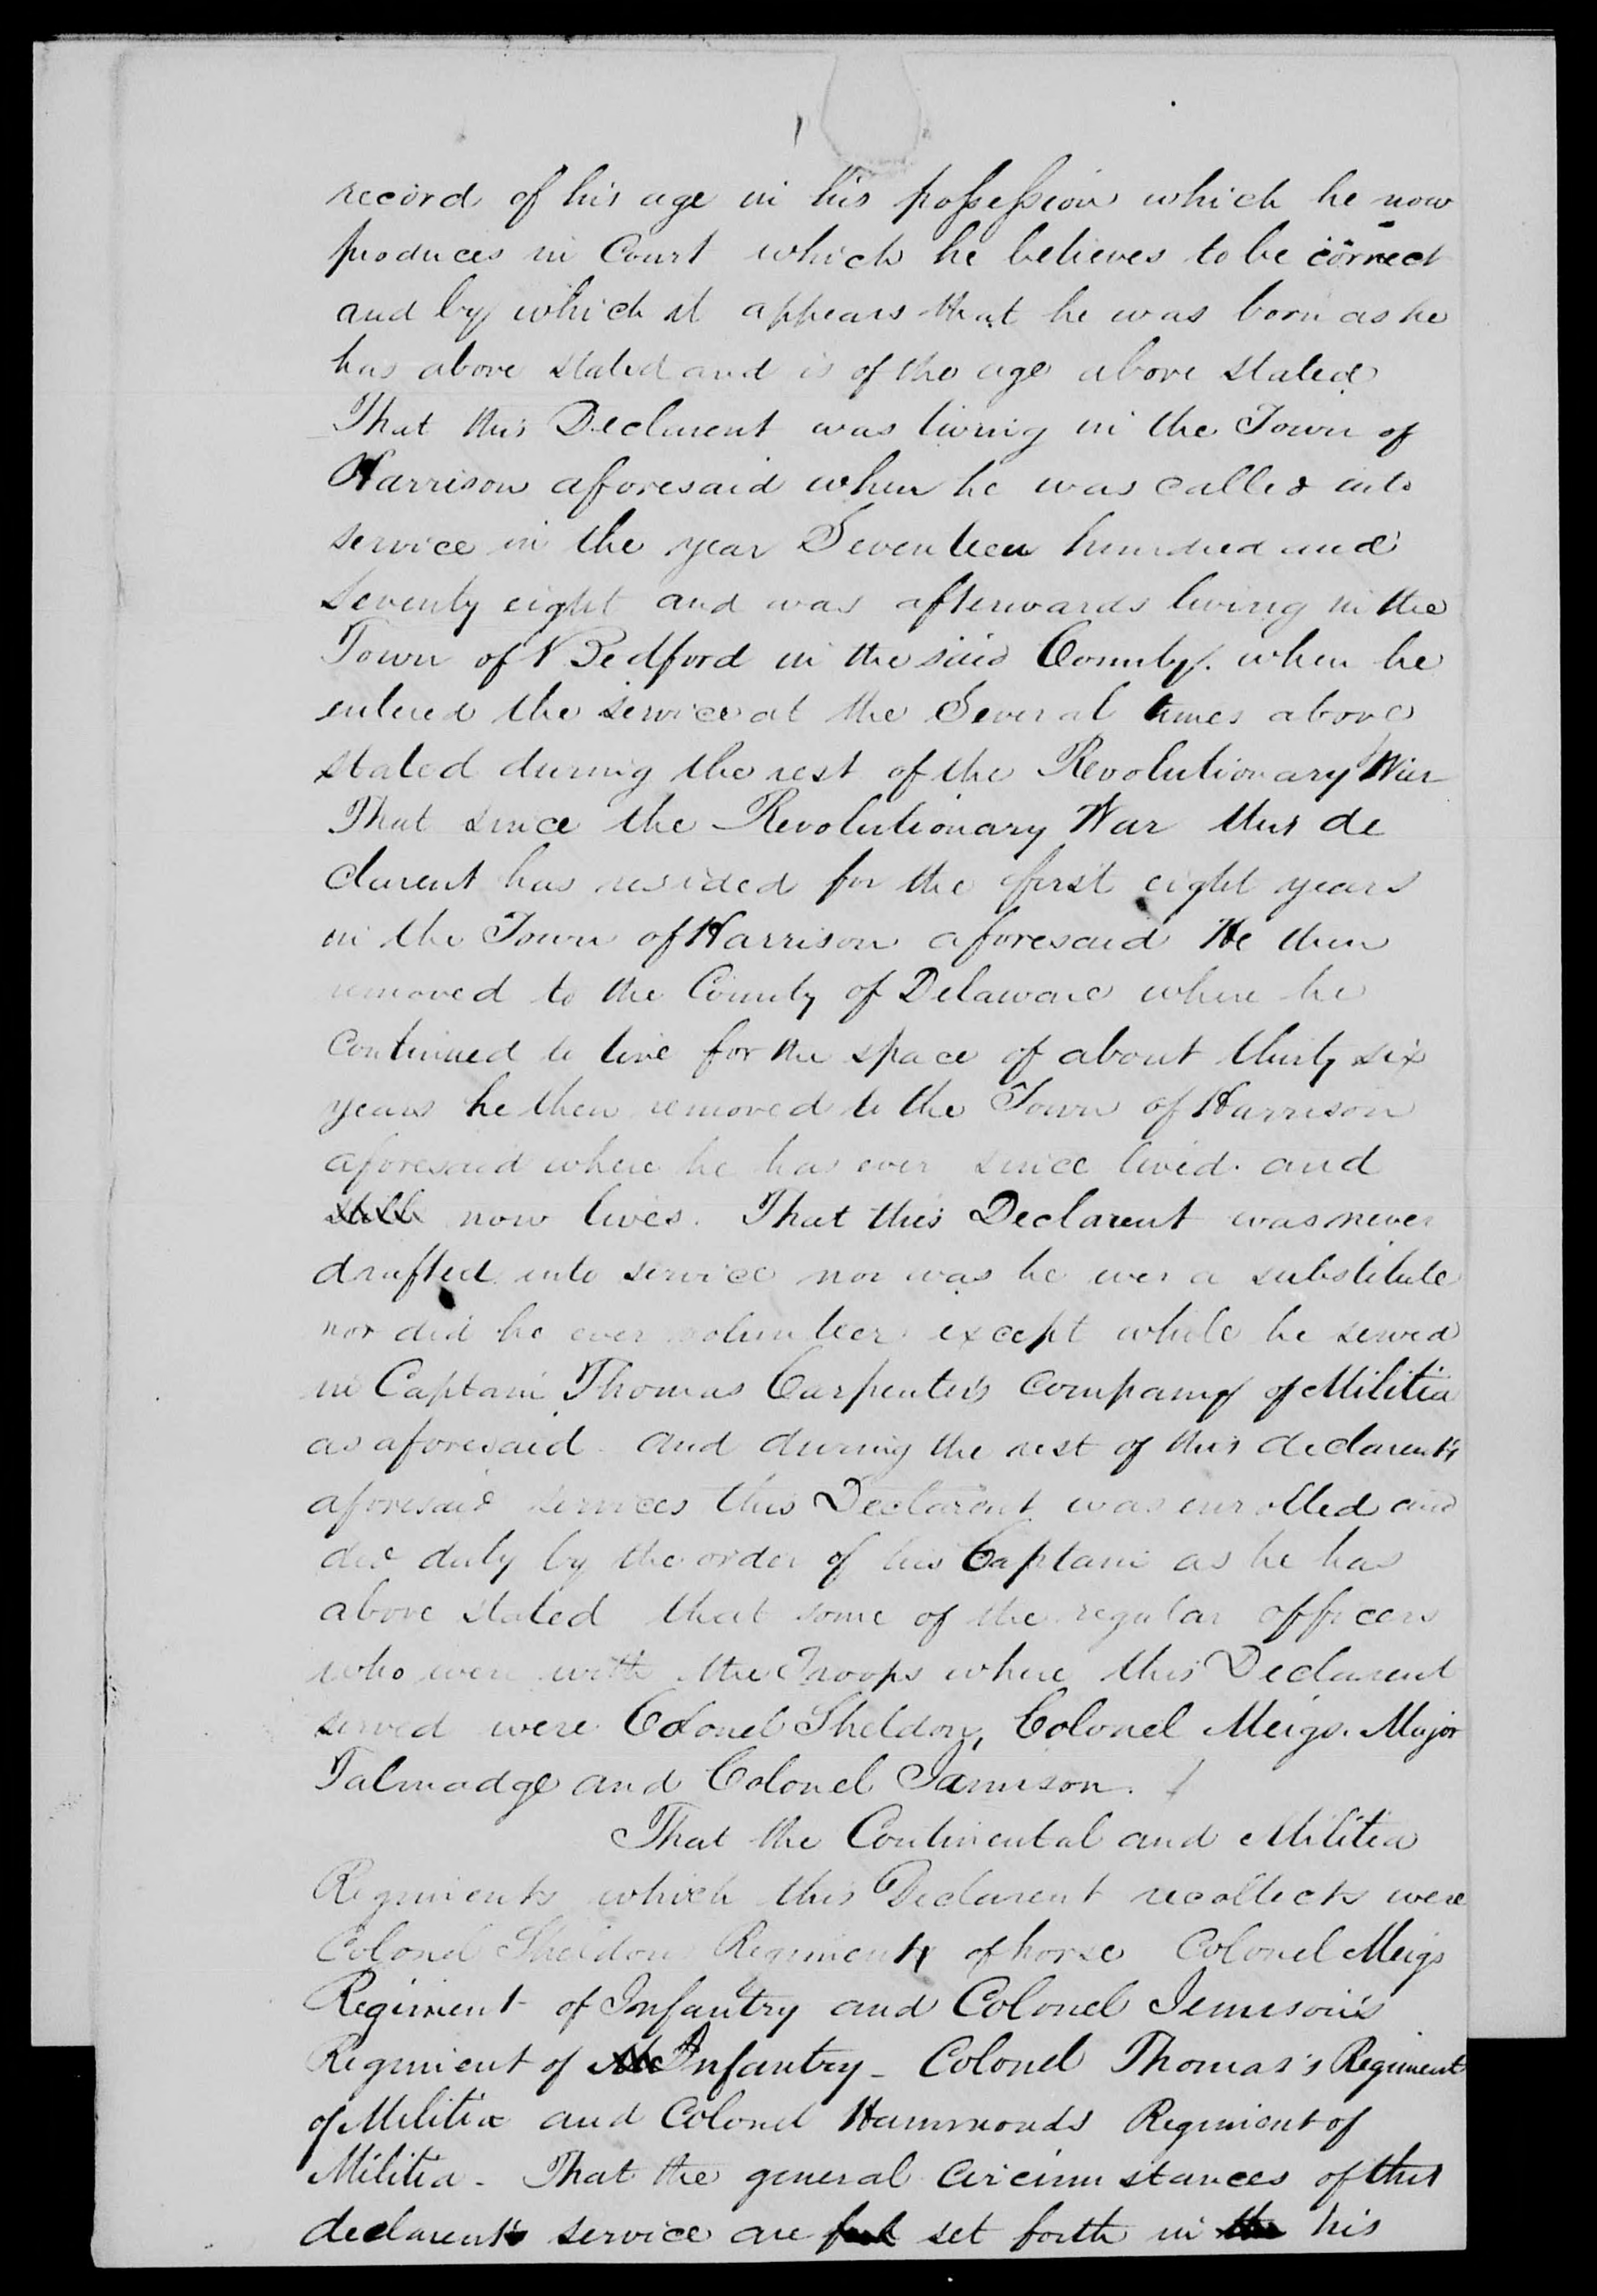record of his age in his possession which he now produces in Court which he believes to be correct and by which it appears that he was born as he has above stated and is of the age above stated That this Declarent was living in the Town of Harrison aforesaid when he was called into service in the year Seventeen hundred and Seventy eight and was afterwards living in the Town of Bedford in the said County when he entered the service at the Several times above stated during the rest of the Revolutionary War That since the Revolutionary War this declarant has resided for the first eight years in the Town of Harrison aforesaid He then removed to the County of Delaware where he continued to live for the space of about thirty six years he then removed to the Town of Harrison aforesaid where he has ever since lived and he now lives. That this Declarant was never drafted into service nor was he ever a substitute nor did he ever volunteer except while he served in Captain Thomas Carpenter's Company of Militia as aforesaid. and during the rest of this declarent's aforesaid services this Declarent was enrolled and did duty by the order of his Captain as he has above stated that some of the regular officers who were with the Troops where this Declarent served were Colonel Sheldon, Colonel Meigs, Major Talmadge and Colonel Jamison. 
That the Continental and Militia Regiments which this Declarent recollects were Colonel Sheldons Regiment of horse Colonel Meigs Regiment of Infantry and Colonel Jemison's Regiment of Infantry - Colonel Thomas's Regiment of Militia and Colonel Hammonds Regiment of Militia. That the general circumstances of this declarents service are set forth in his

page: 10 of 33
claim: rejected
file: R. 7,063, for Elisha B Maynard, New York